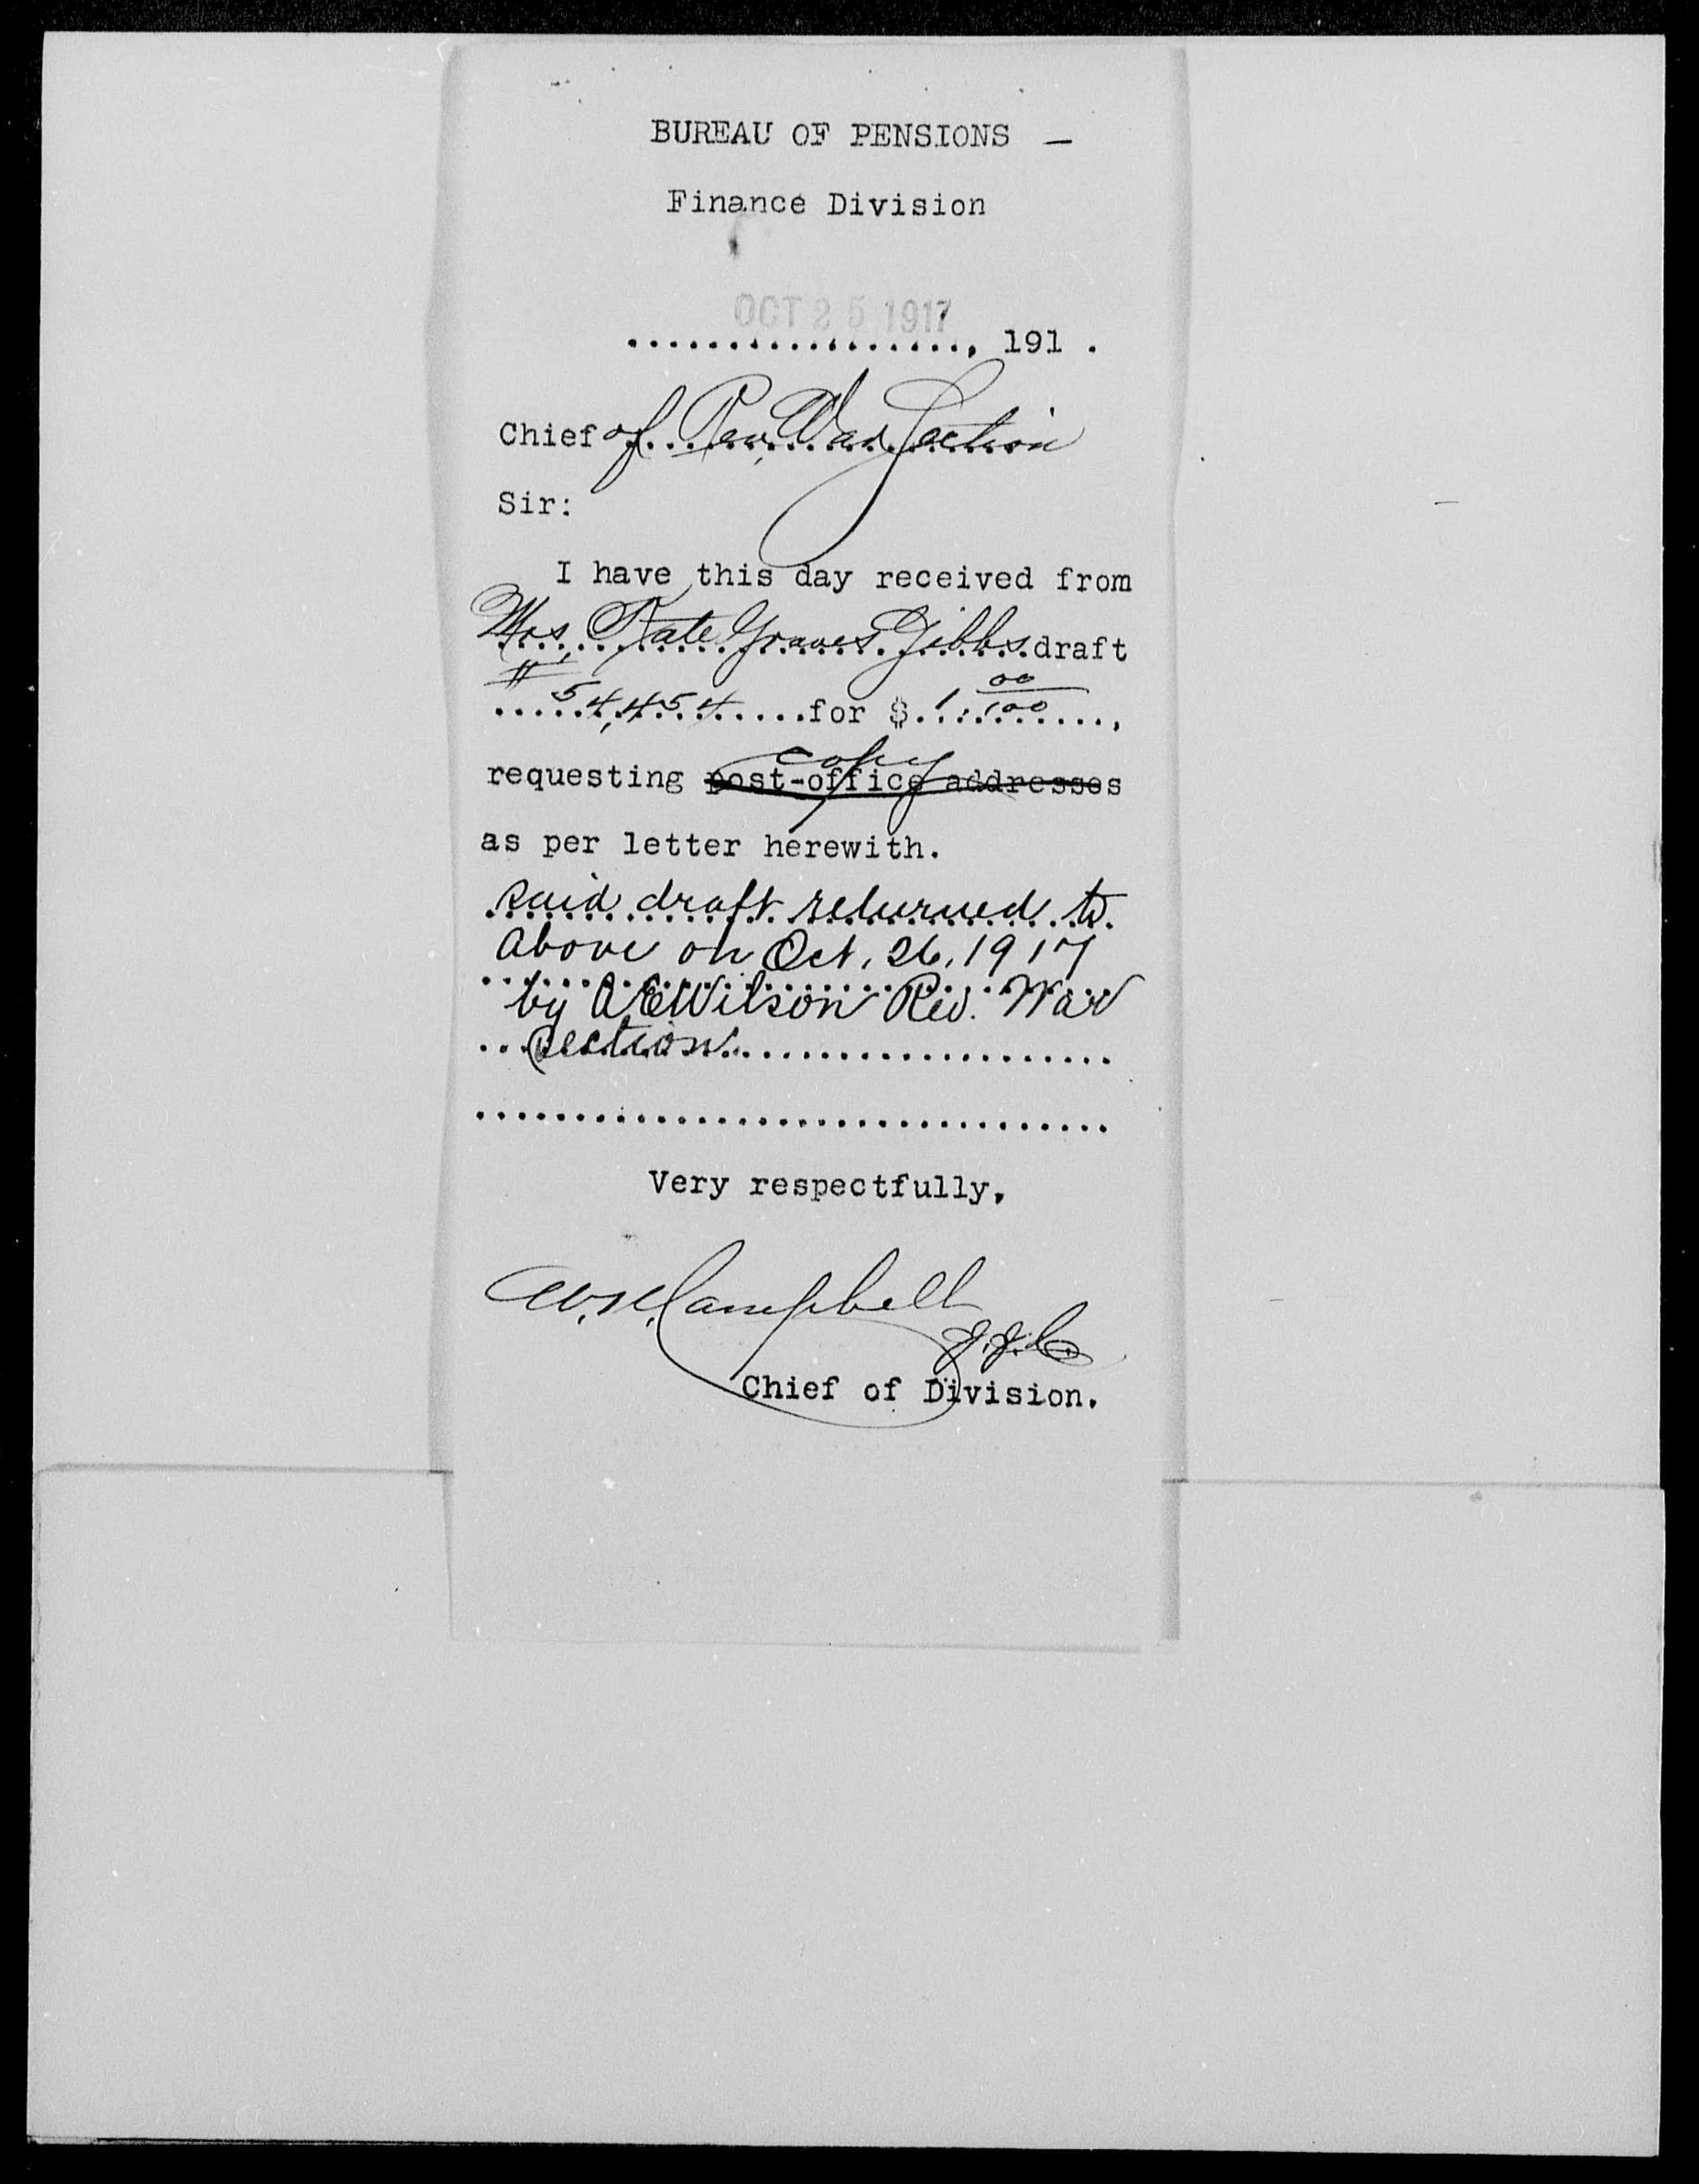[typed form, with handwritten responses]

BUREAU OF PENSIONS --

Finance Division 

OCT 25 1917 
………. 191. 

Chief of Rev. War Section 

Sir: 

I have this day received from Mrs. Kate Graves Gibbs draft #54454 …for $1. 00/100…requesting [post-office addresses crossed out] copy as per letter herewith. 

said draft returned to above on Oct. 26, 1917 by A E Wilson Rev. War Section 
● ● ● ● ● ● 

Very respectfully, W. N. Campbell J. J. C 
Chief of Division.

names: W N Campbell, Kate Graves Gibbs, A E Wilson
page: 47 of 54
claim: survivor's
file: S. 30287, William Bruce, N.C.